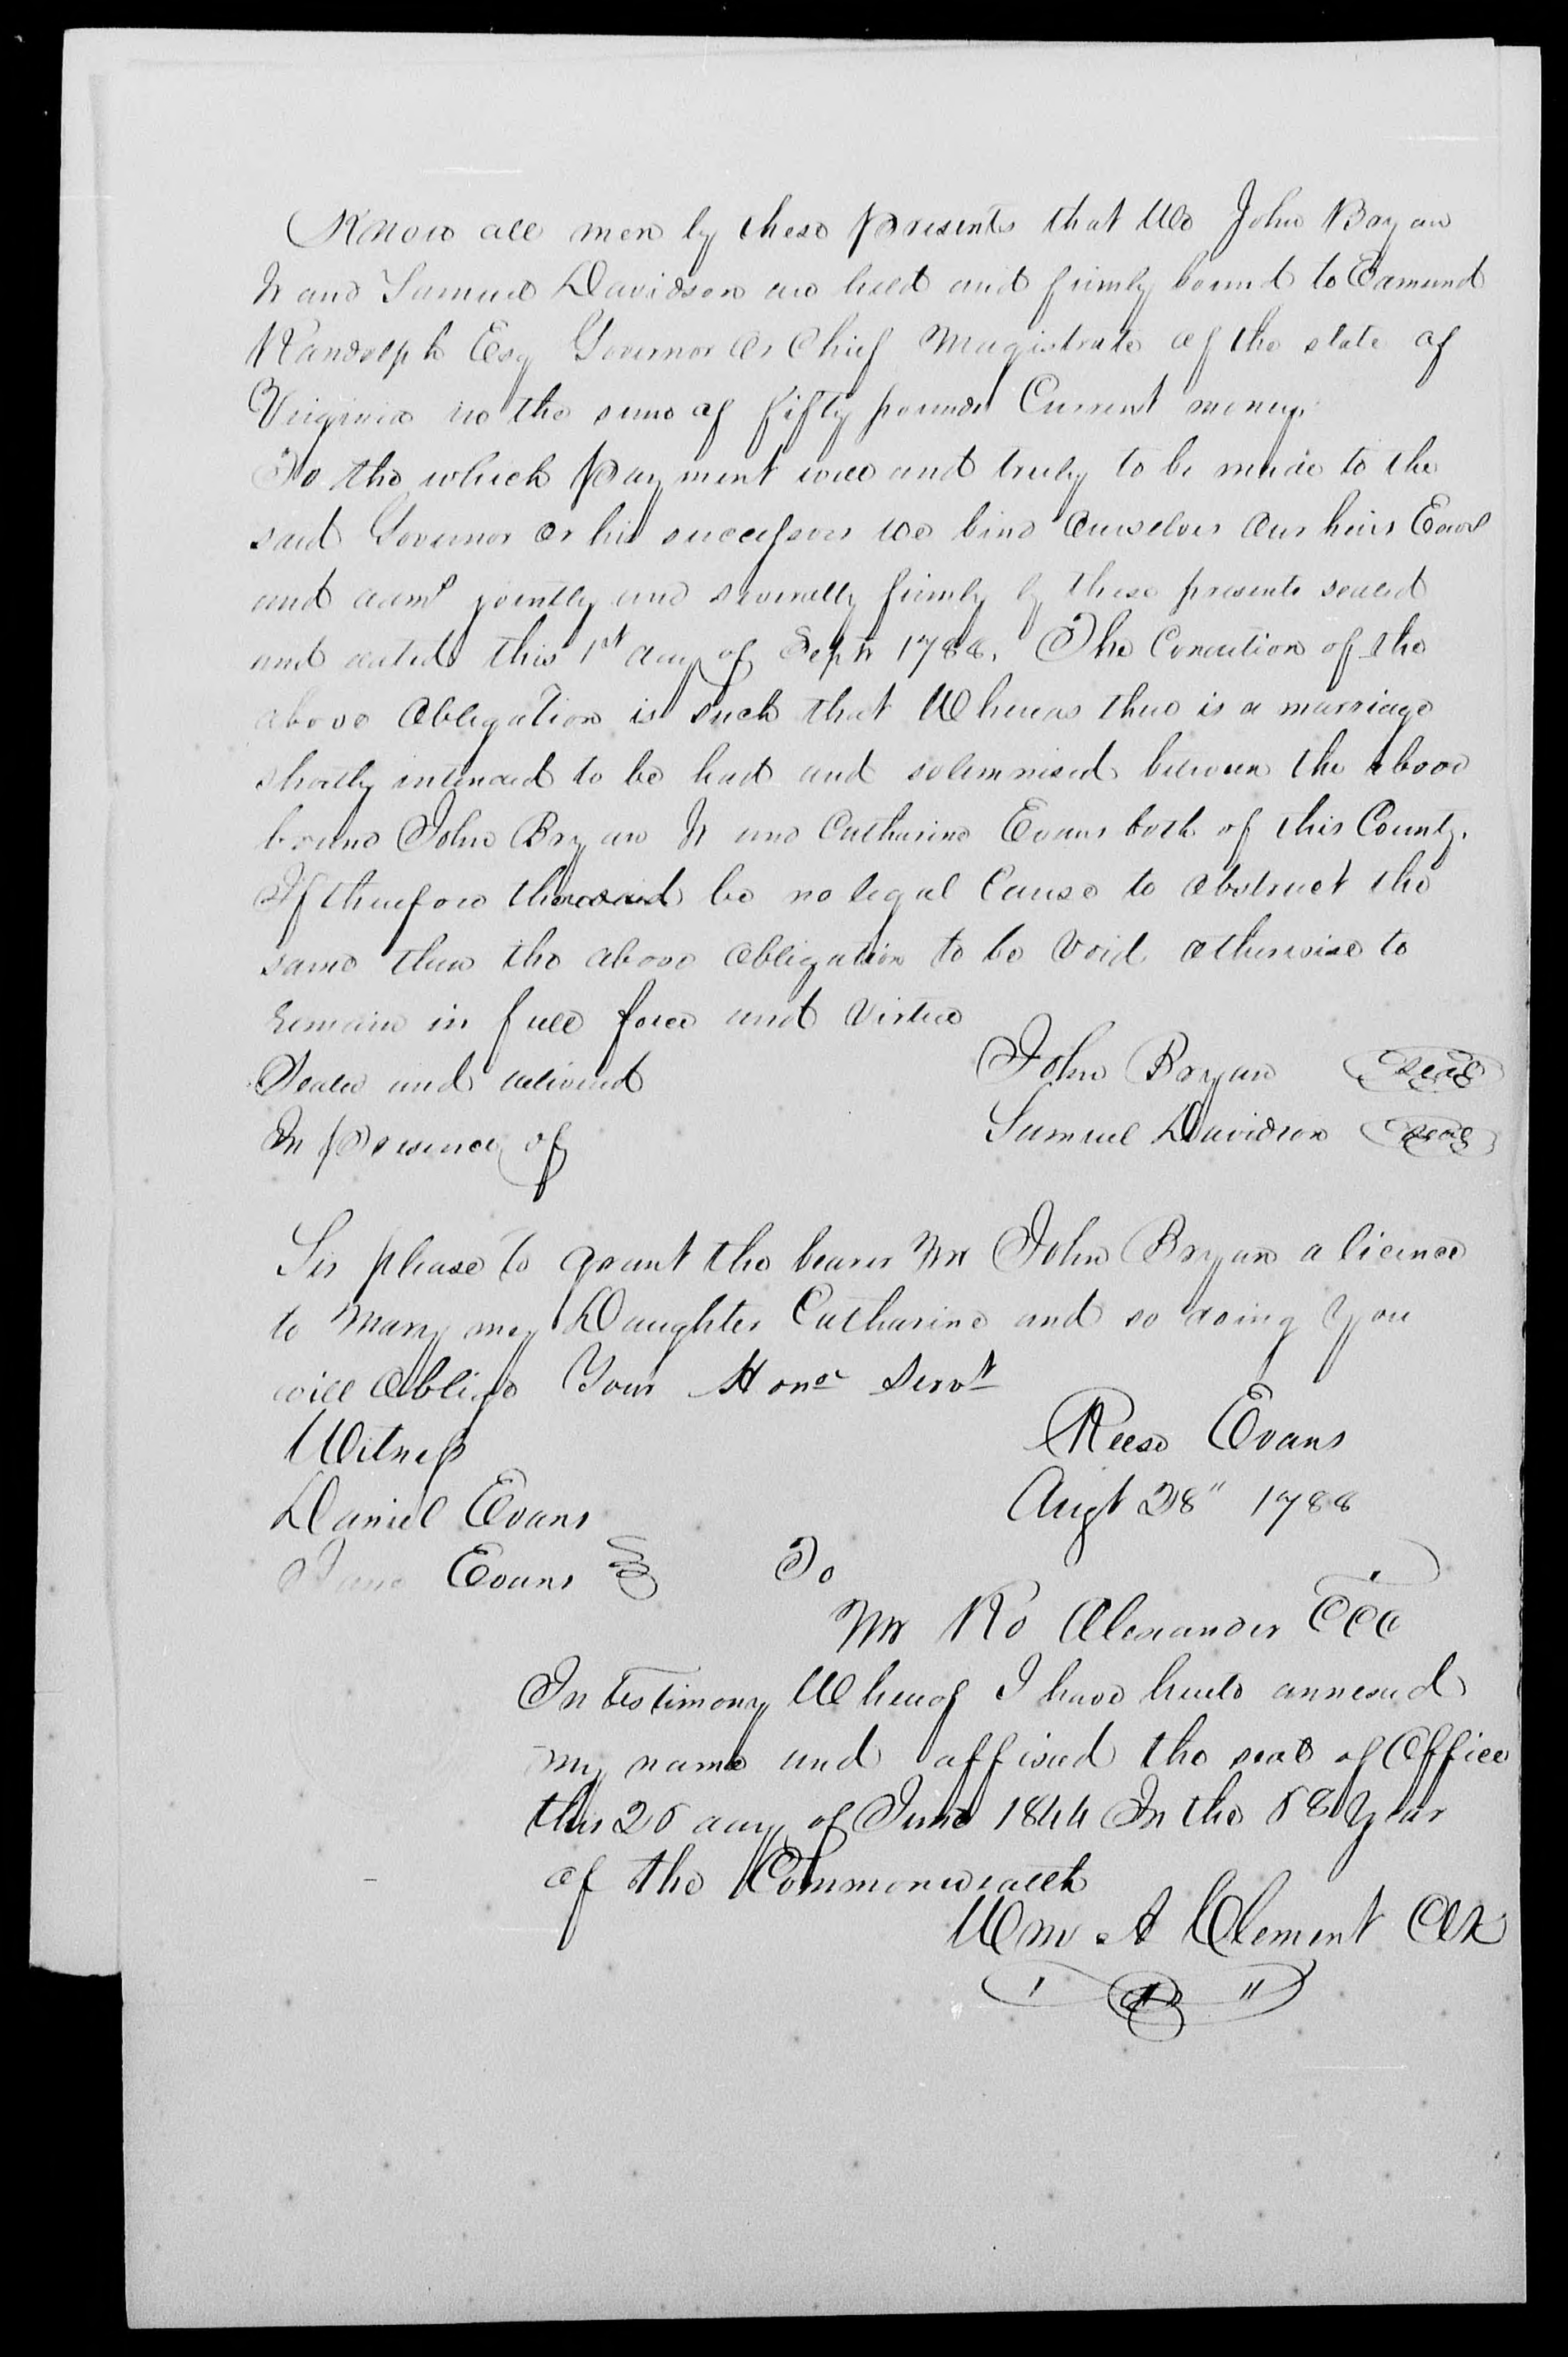Know all men by these presents that We John Bryan and Samuel Davidson are held and firmly bound to Edmund Randolph Esq. Governor & Chief Magistrate of the state of Virgina in the sum of fifty pounds current money. To the which payment well and truly to be made to the said Governor or his successors we bind ourselves our heirs Exors and admrs jointly and severally firmly by these presents sealed and dated This 1st day of Sept 1788. The Condition of the above obligation is such that Whereas there is a marriage shortly intended to be had and solemnized between the above bound John Bryan and Miss Catharine Evans both of this County. If therefore afterwards be no legal cause to obstruct the same then the above obligation to be void otherwise to remain in full force and virtue

Sealed and delivered
in presence of
John Bryan [seal]
Samuel Davidson [seal]

So please to grant the bearer Mr. John Bryan a license
to marry my Daughter Catharine and so doing you
will oblige Your Humble Servt
Reese Evans
August 28 1788
Witness
Daniel Evans
Jane Evans

Mr. Ro Alexander eea
In testimony whereof I have hereunto affixed
my hand and approved the seal of Office
this 20th day of July 1844 On the day
of the Commonwealth
Wm A Clement OR
[signature]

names: Samuel Davidson, Samuel Davidson, Catharine, Jane Evans, Catharine Evans, John Bryan, Ro Alexander, Reese Evans, John Bryan, John Bryan, Wm A Clement, Edmund Randolph, Daniel Evans, John Bryan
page: 6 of 31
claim: widow's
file: W. 3759, John Bryan, Va.